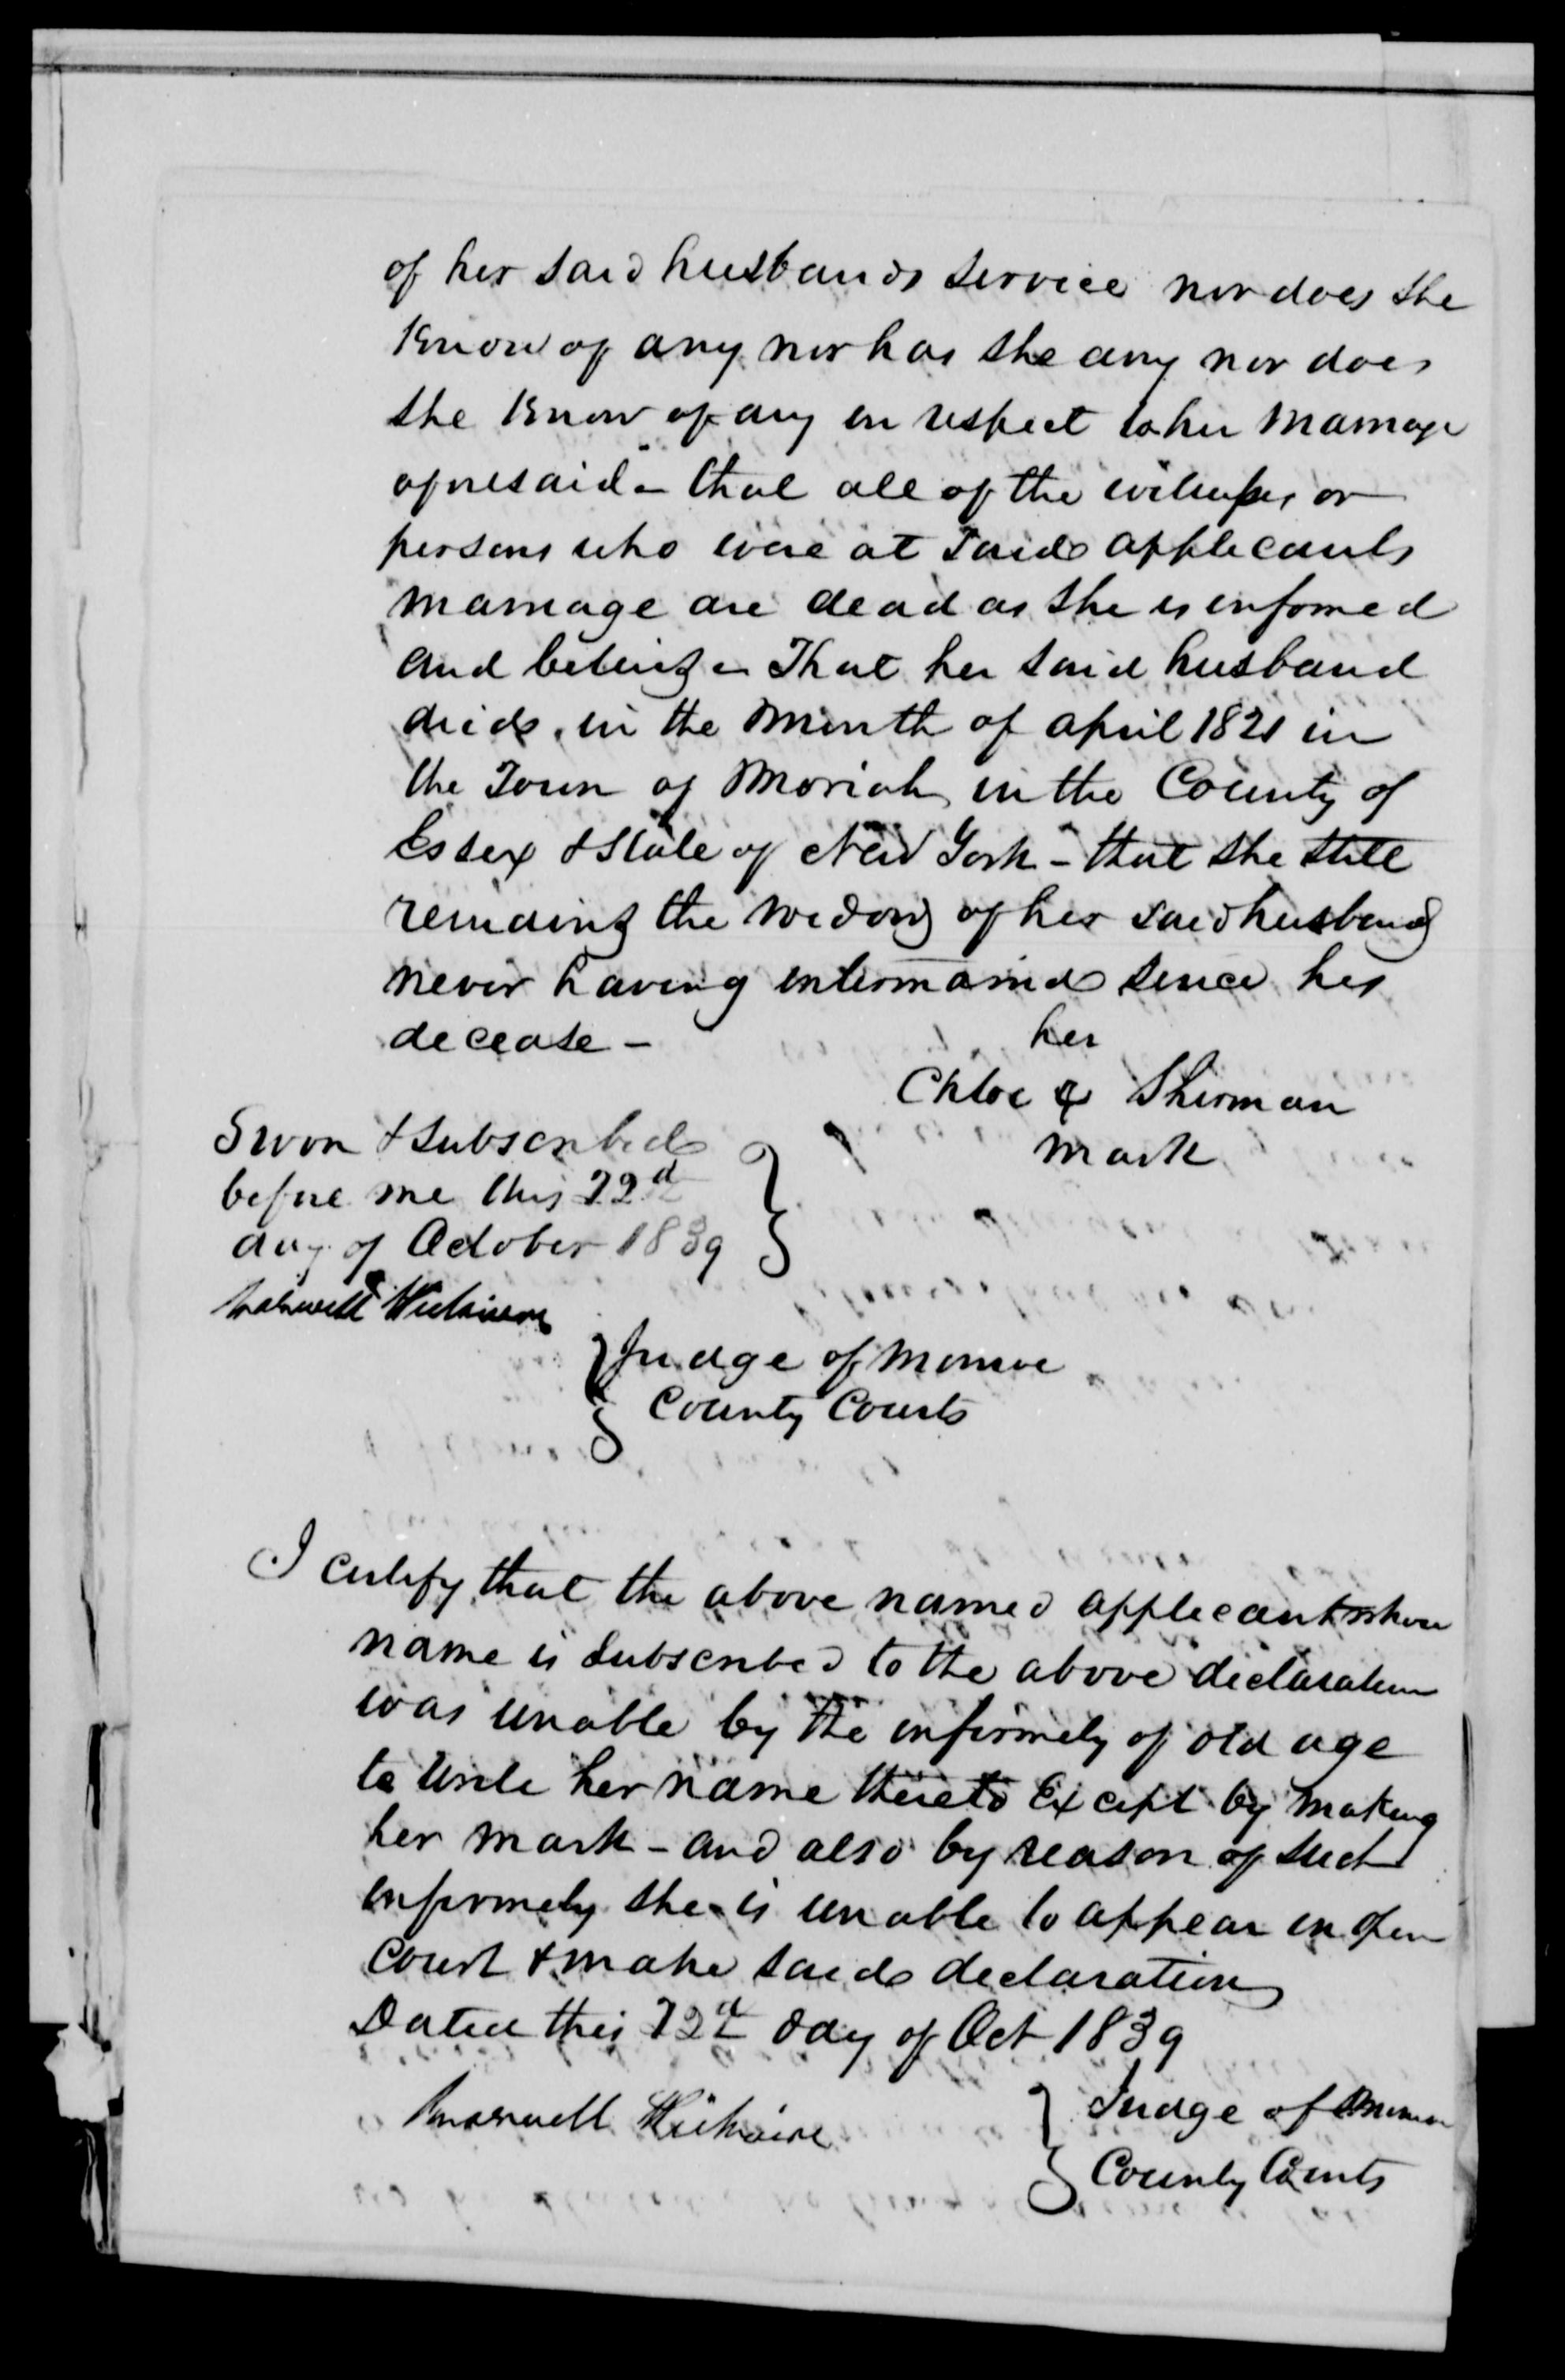of her said husbands service nor does she
know of any nor has she any nor does
she know of any in respect to her marriage
aforesaid that all of the witnesses or
persons who were at said applicants
marriage are dead as she is informed
and belief. That her said husband
died in the month of April 1821 in
the Town of Mariah in the County of
Essex & State of New York that she still
remains the widow of her said husband
never having married since his
decease
Sworn & subscribed
Chloe Sherman
before me this 22d
day of October 1839
Lawell Wicking
Judge of Monroe
County Courts
certify that the above-named applicant who
name is subscribed to the above declaration
was unable by the infirmity of old age
to write her name thereto except by making
her mark and also by reason of such
infirmity she is unable to appear in open
Court & make said declaration
Dated this 12th day of Oct 1839
Banwell Richard
Judge of Promon
County Cents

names: Chloe Sherman; Maxwell Wickwire; Maxwell Wickwire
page: 14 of 52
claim: rejected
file: R. 9493, for George Sherman, Vermont